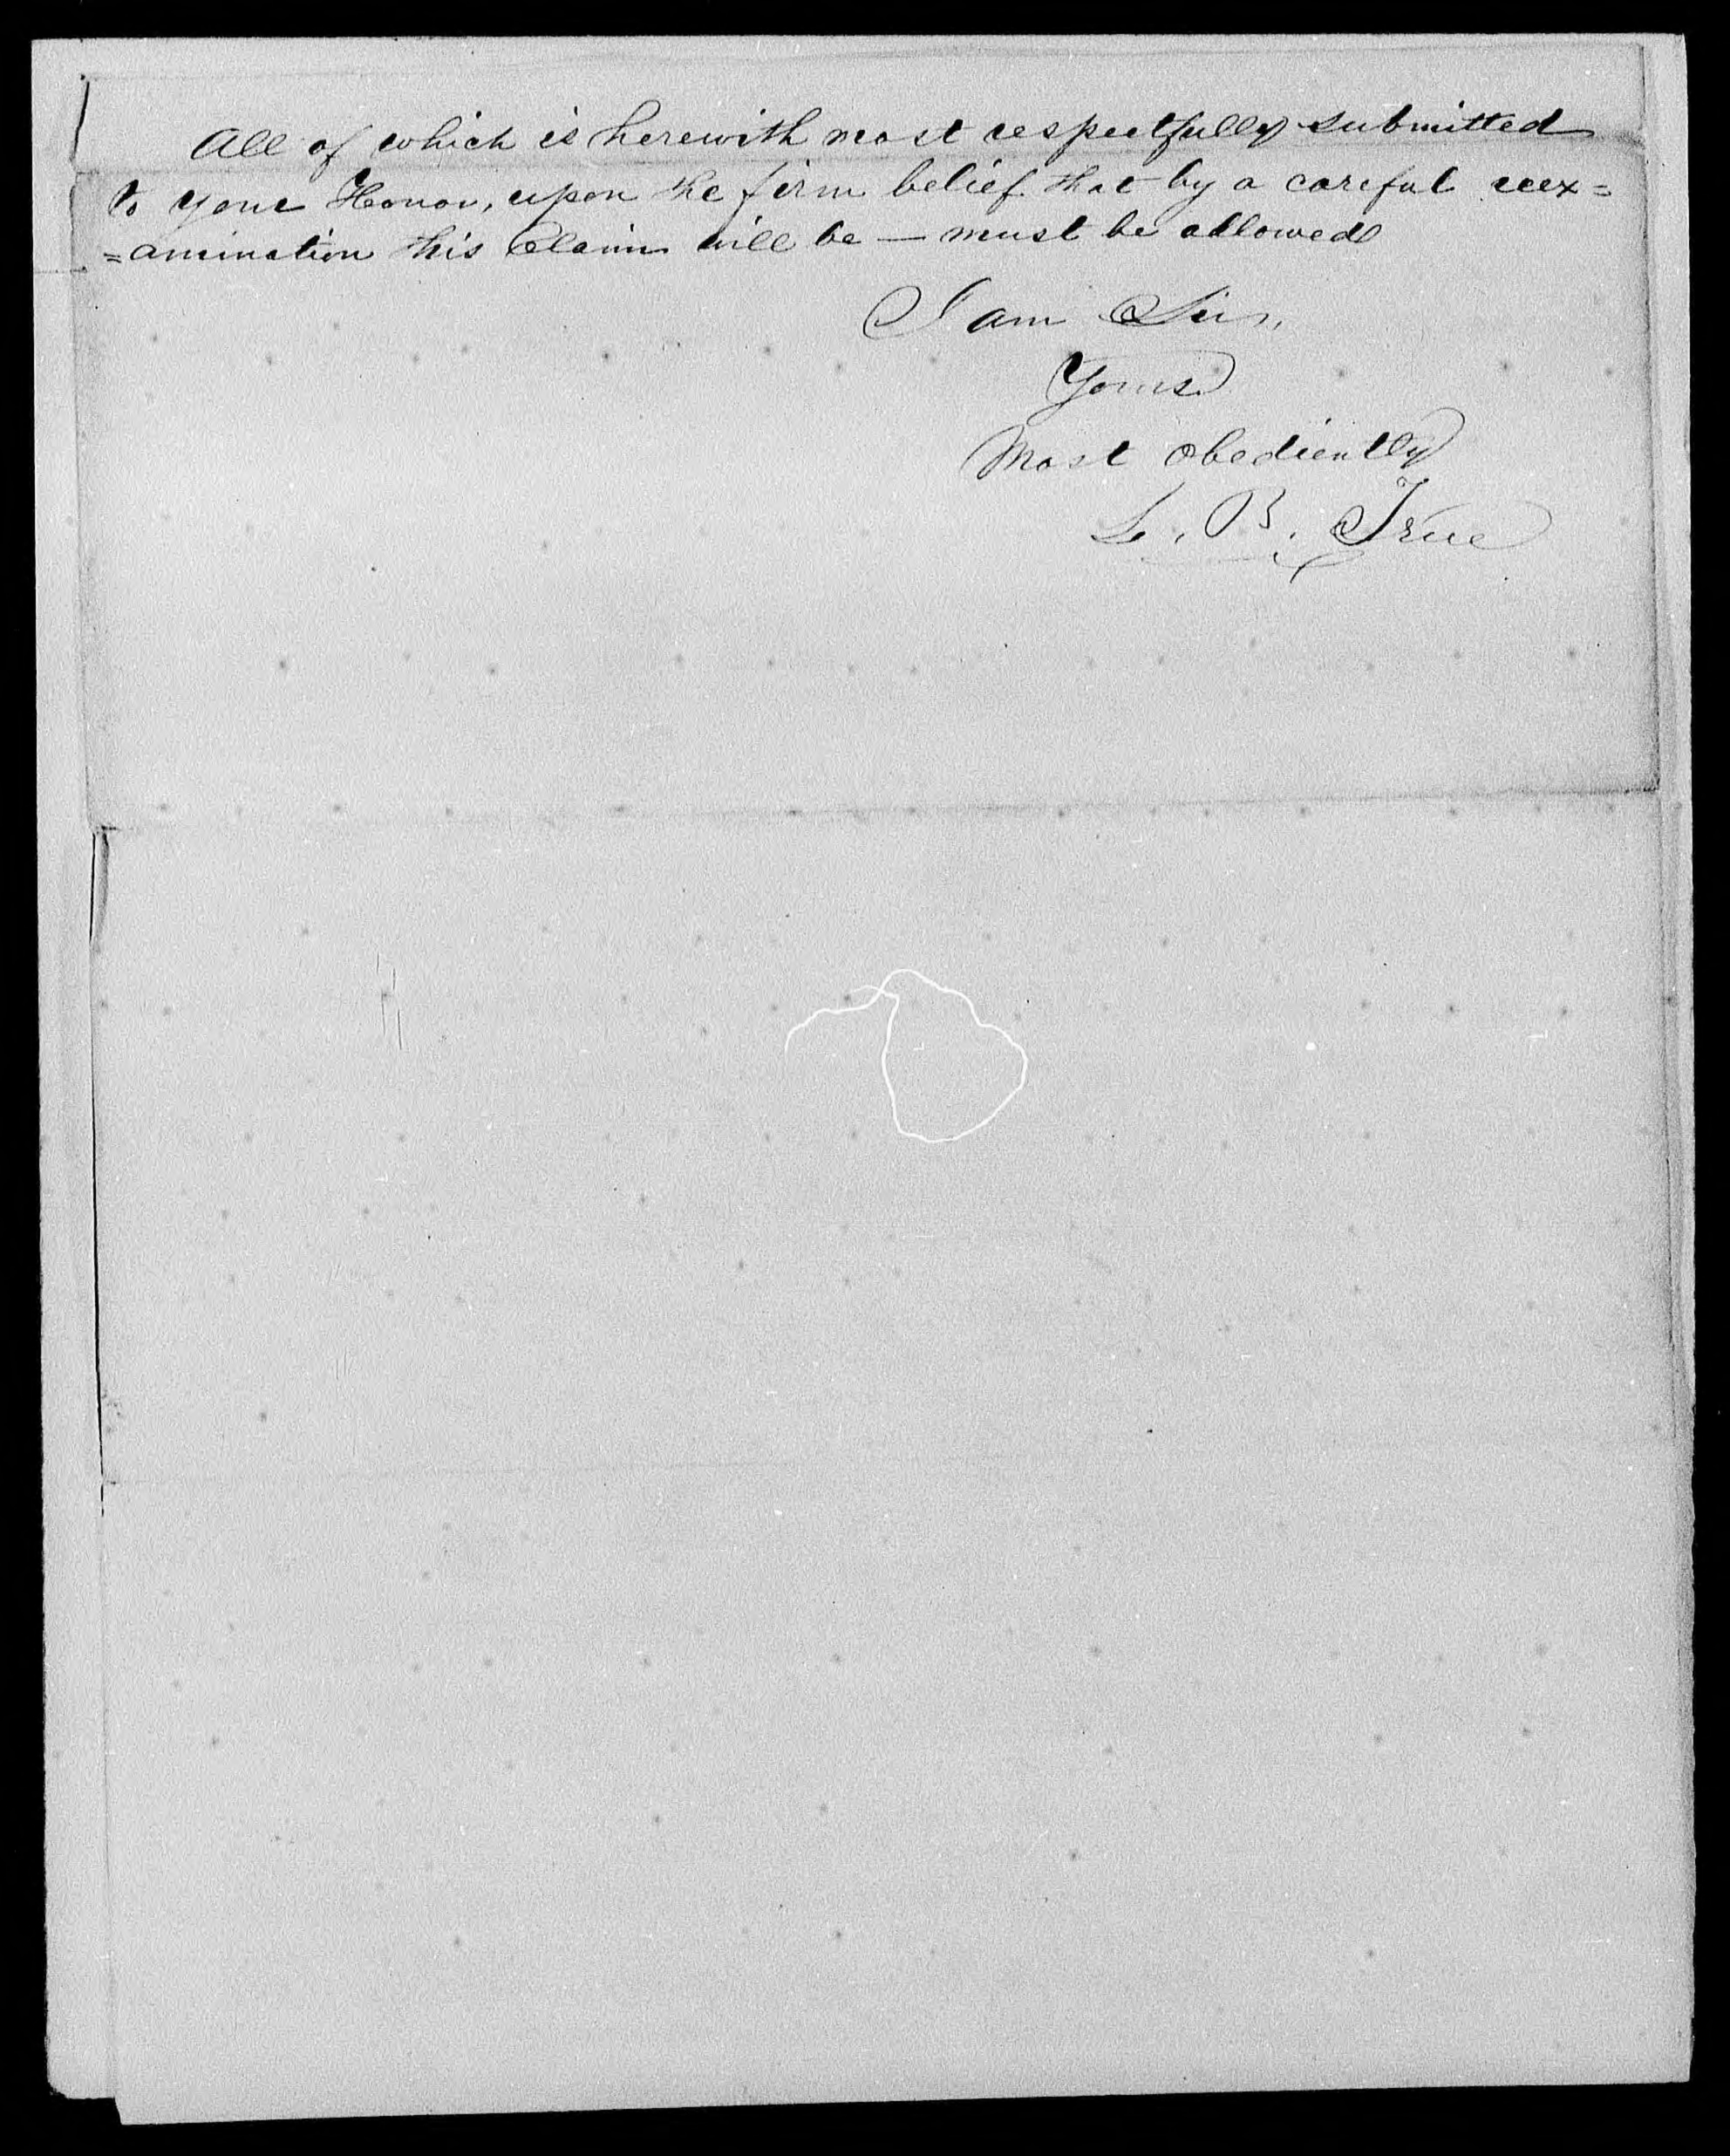All of which is herewith most respectfully submitted to your Honor, upon the firm belief that by a carefully reexamination this claim will be – must be allowed.
I am sir, your most obedient servant,
I. B. True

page: 45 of 74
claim: rejected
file: R. 5600, for Abel Johnson, North Carolina